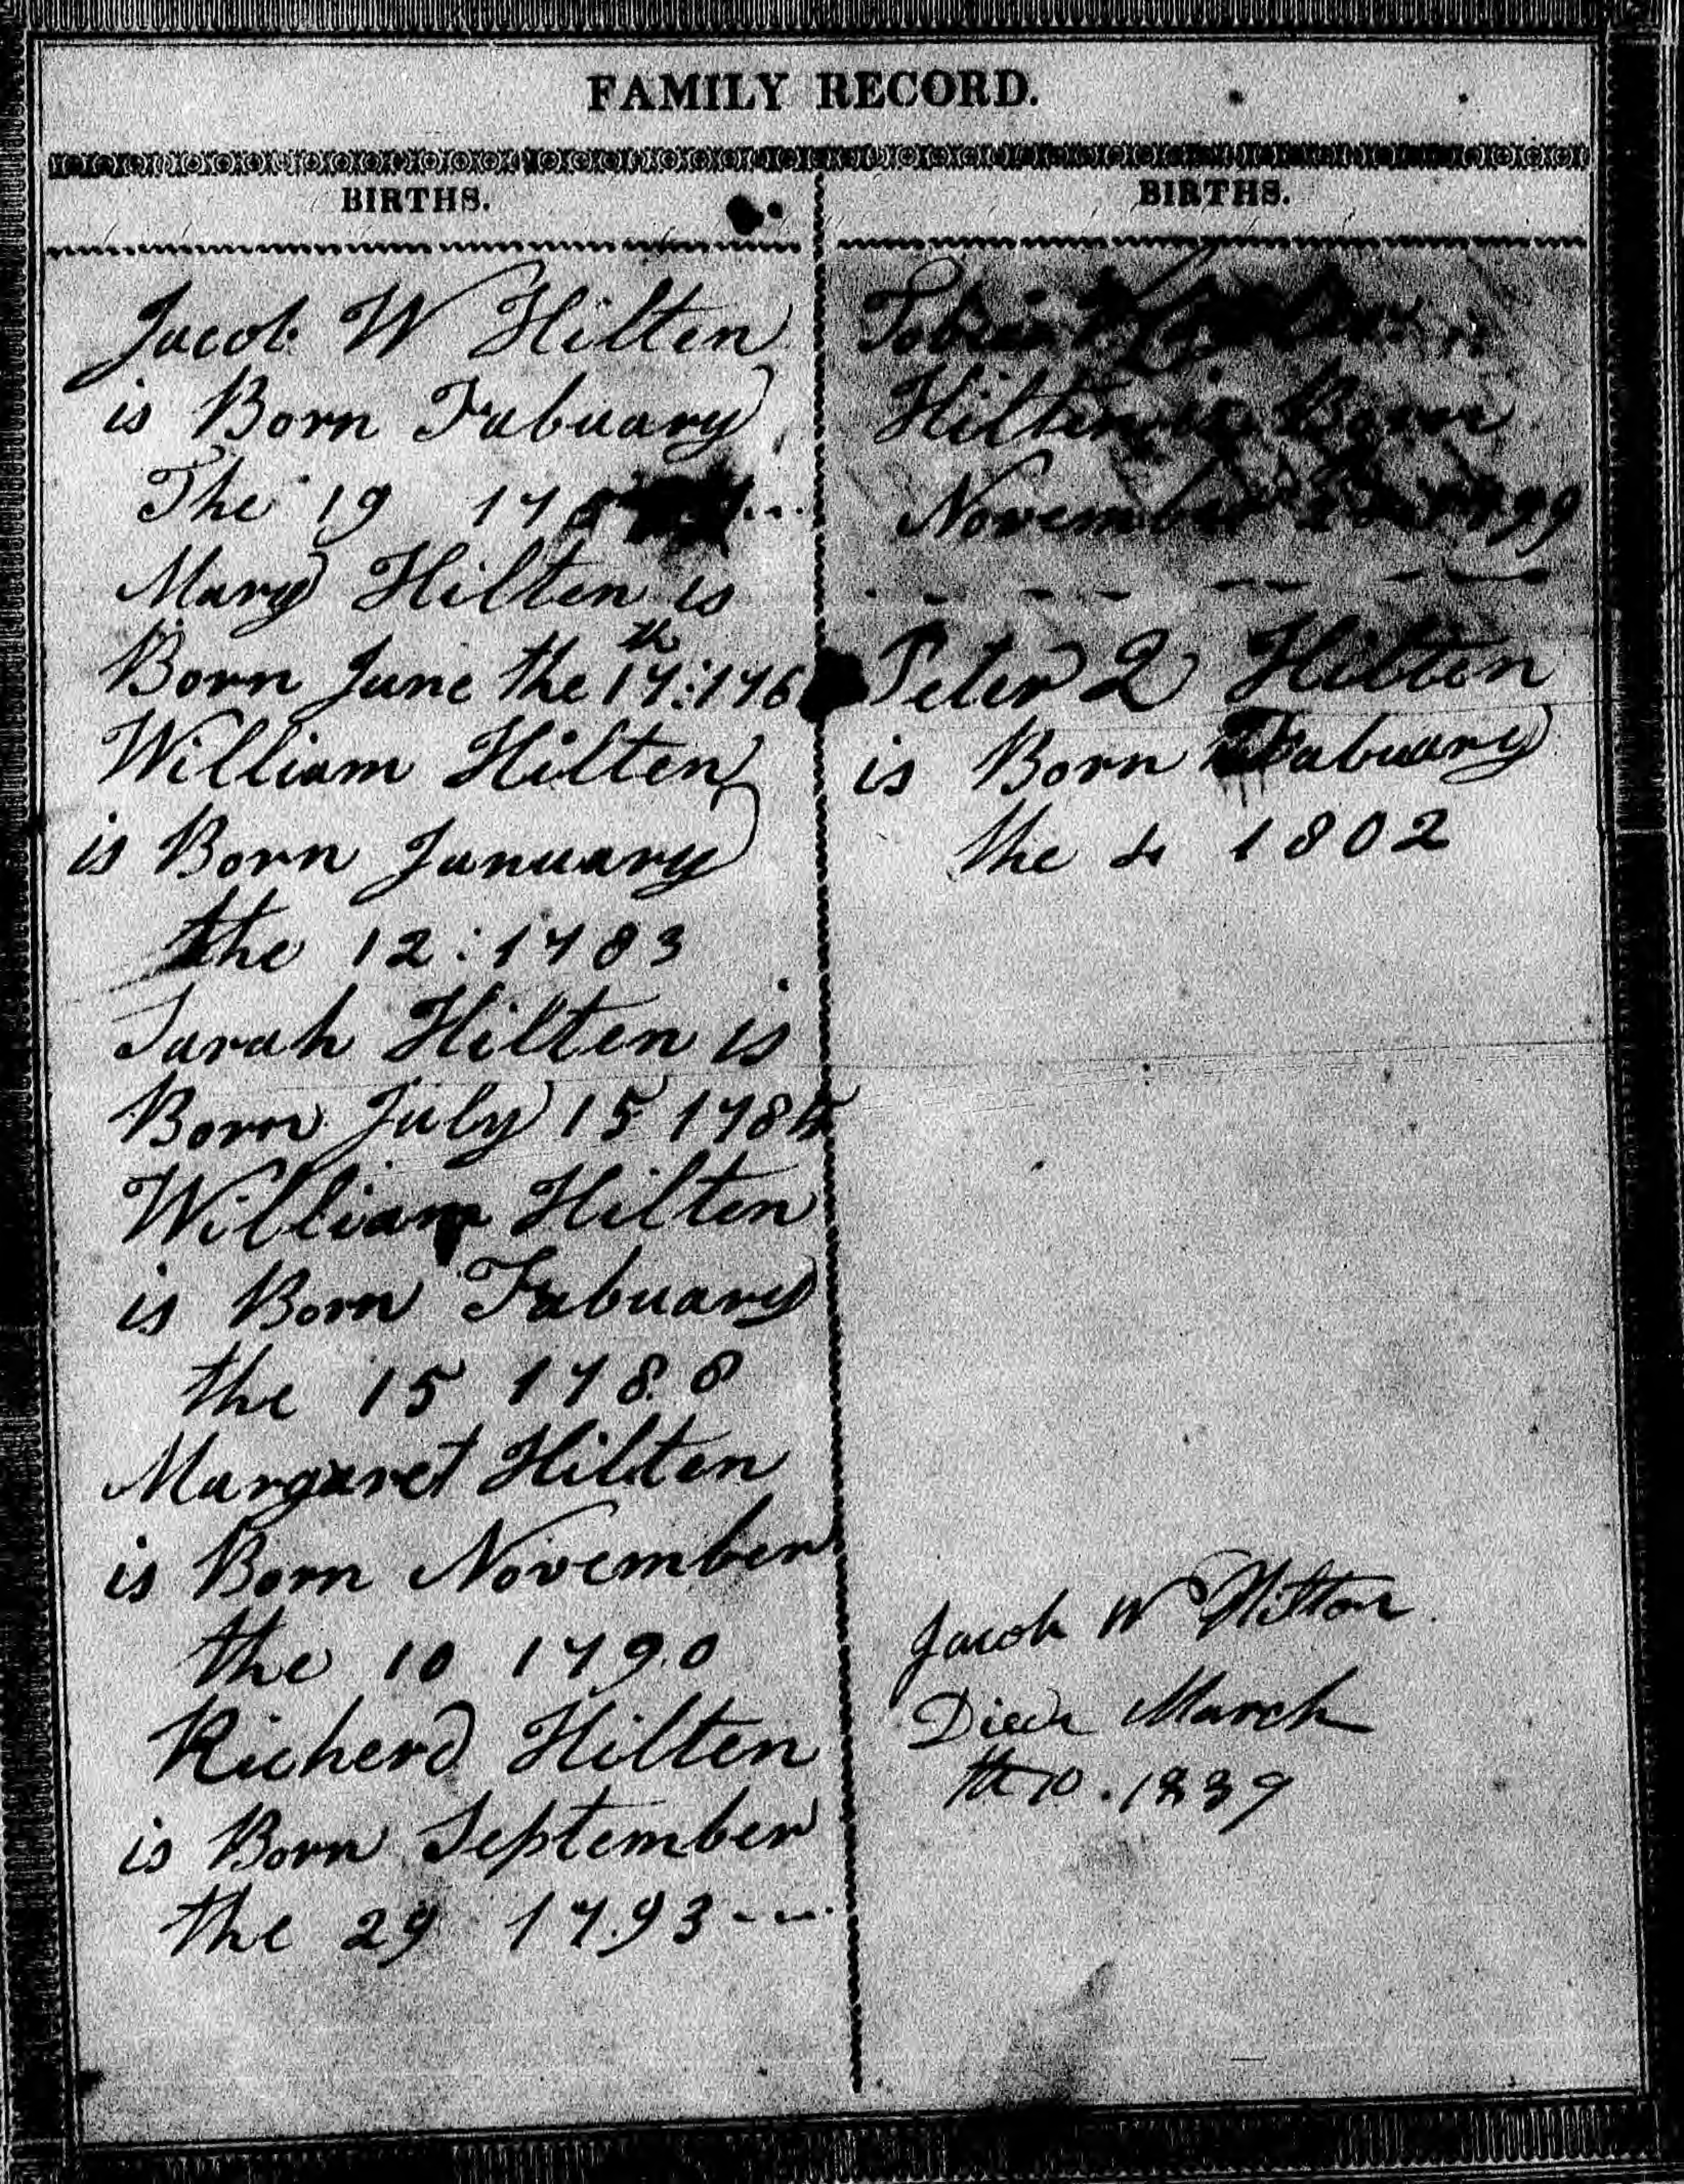Family Record
Births
Jacob W Hilton
is Born Fabuary
The 19 17[illegible]
Mary Hilton is 
Born June the 176[illegible]
William Hilton
is Born January 
the 12 1783
Sarah Hilton is 
Born July 15 1785
William Hilton
is Born Fabuary
the 15 1788
Margaret Hilton
is Born November
the 10 1790
Richard Hilton
is Born September
the 29 1793
[illegible]
Hilton Born
November  [illegible] 1799
Peter [illegible] Hilton
is Born Fabuary
the 41802
Jacob W Hilton
Died March
the 10 1839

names: Richerd Hiton, William Hilton, William Hilton, Jacob W Hilton, Margaret Hilton, Tobias V Cuyler Hilton, Jacob W Hilton, Peter Q Hilton, Mary Hilton, Sarah Hilton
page: 16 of 48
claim: widow's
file: W. 19788, Jacob W Hilton, New York